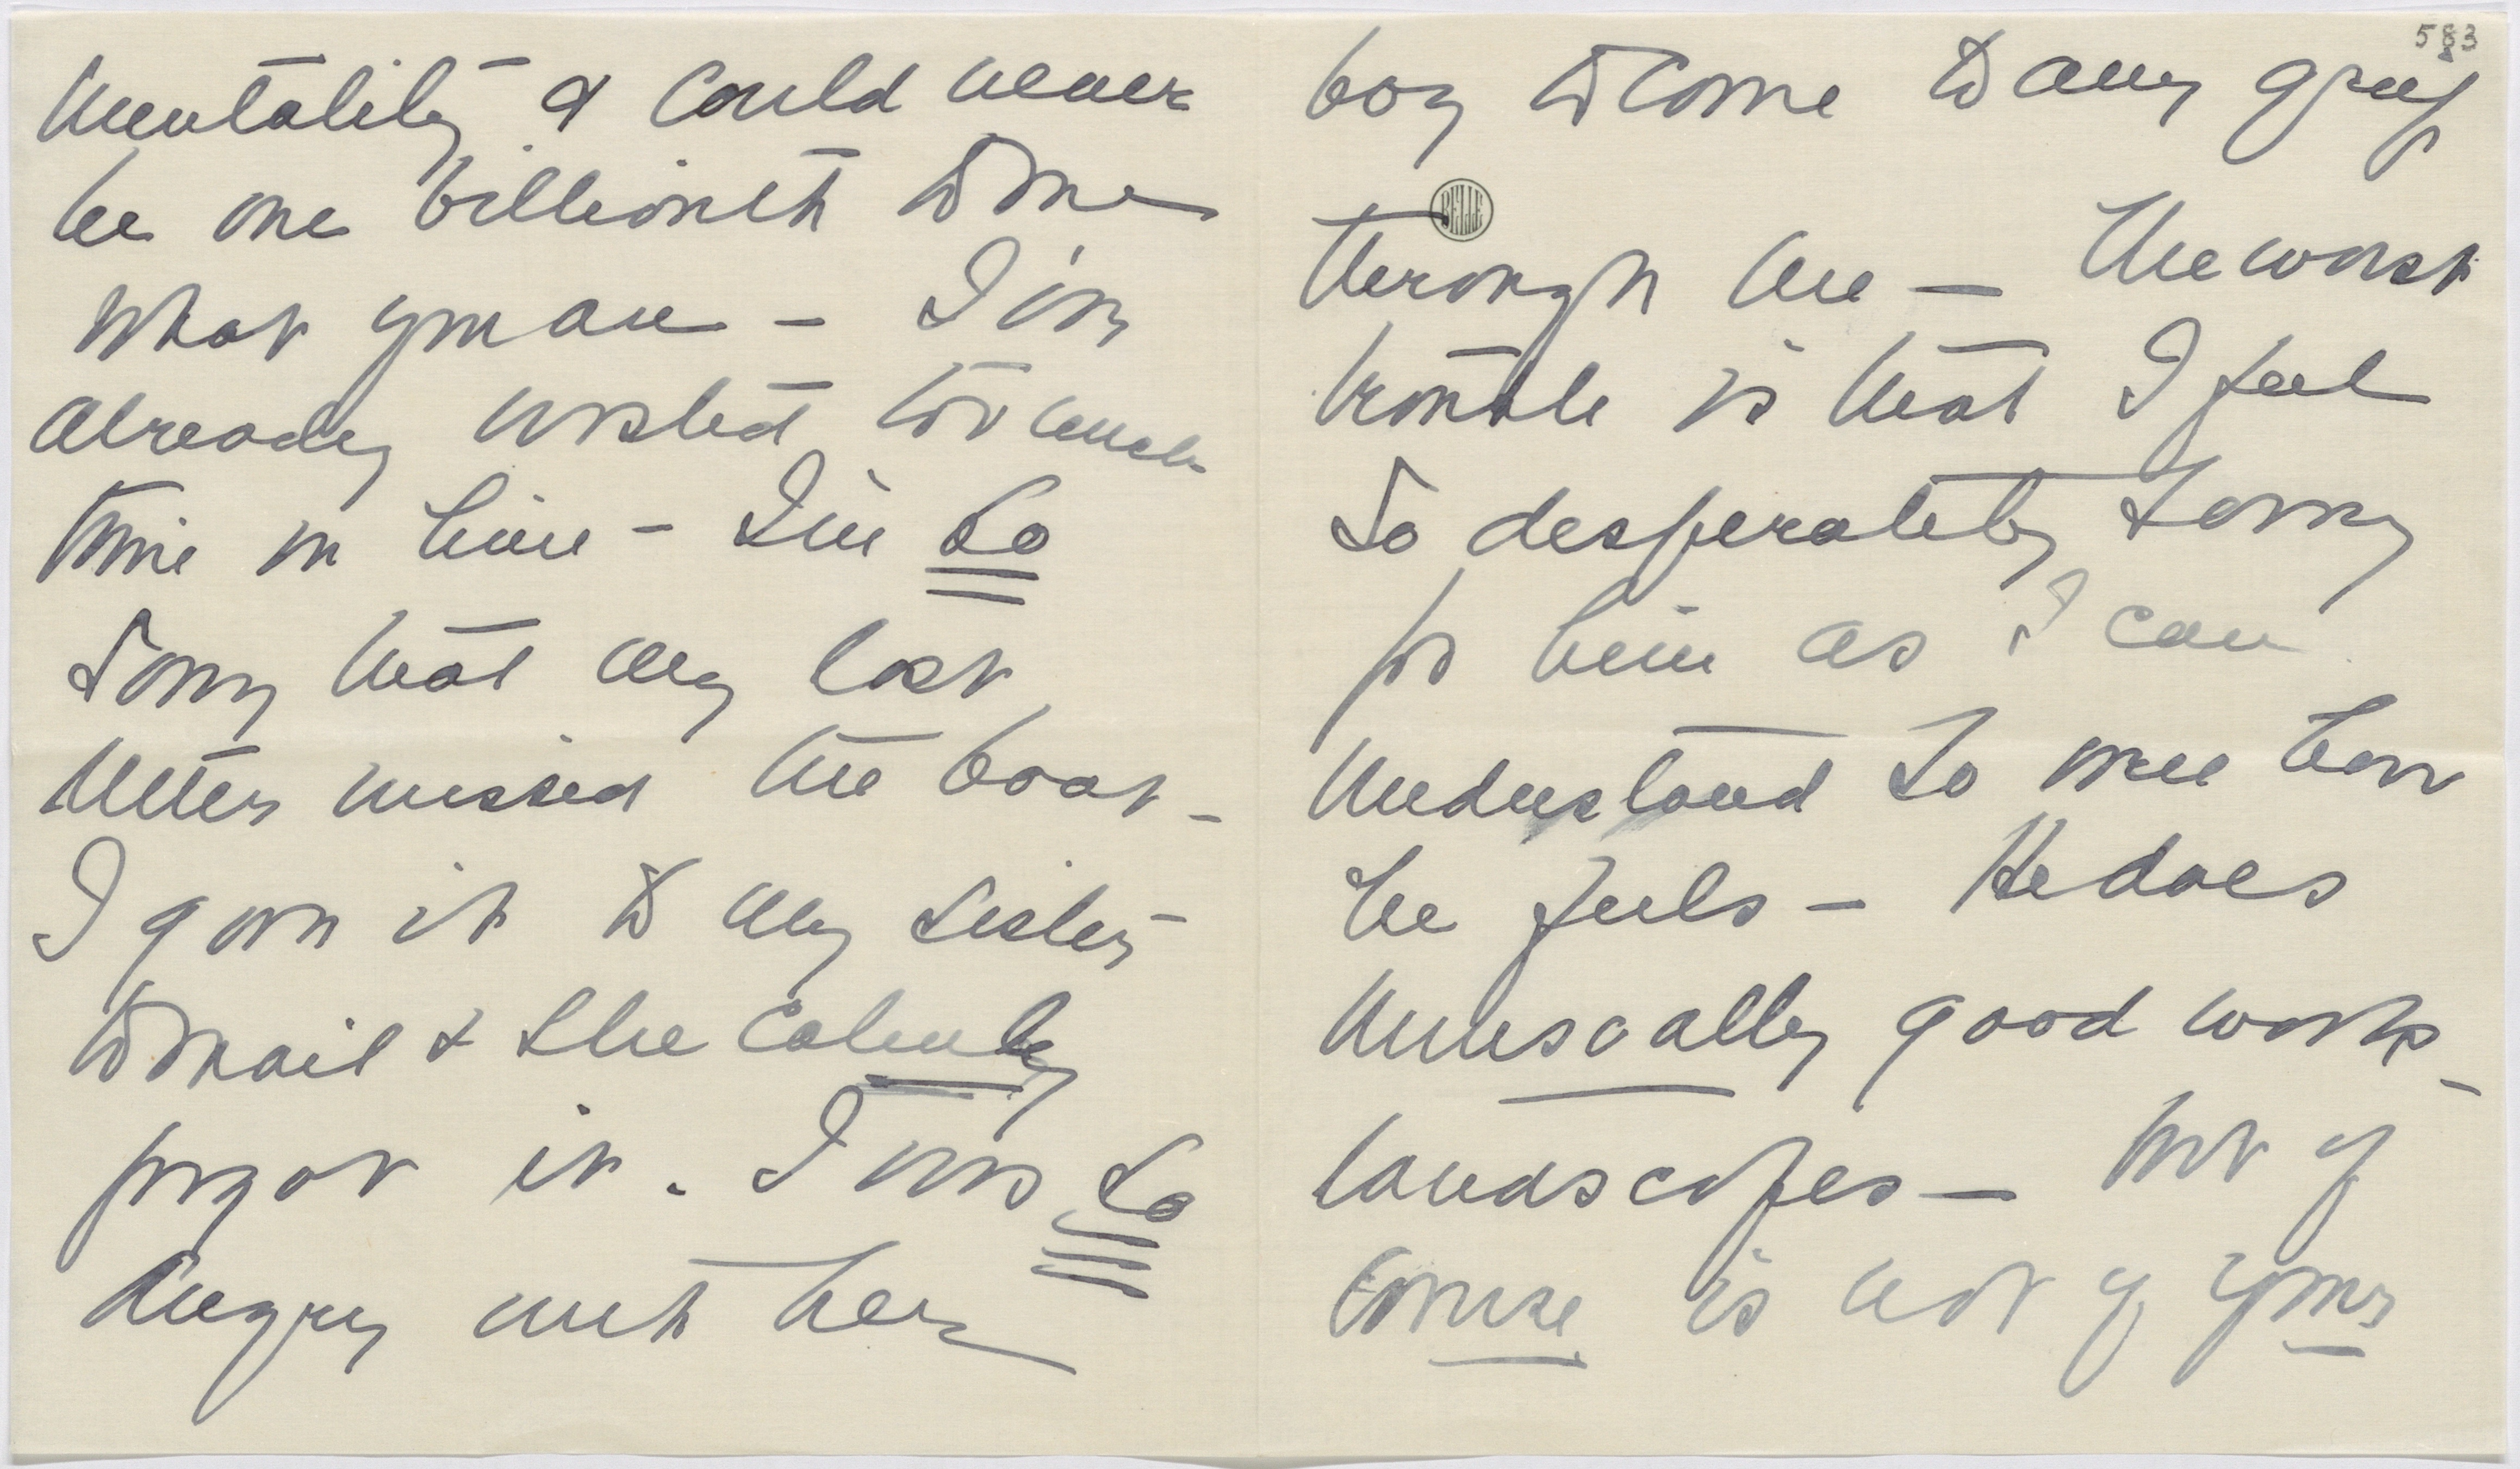boy to come to any grief through me – The worst trouble is that I feel so desperately sorry for him as I can understand so well how he feels – He does unusually good work – landscapes – but of course is not of your
mentality & could never be one billionth to me what you are – I’ve already wasted too much time on him – I’m [double underlined: so] sorry that my last letter missed the boat – I gave it to my sister to mail & she [double underlined: calmly] forgot it. I was [triple underlined: so] angry with her